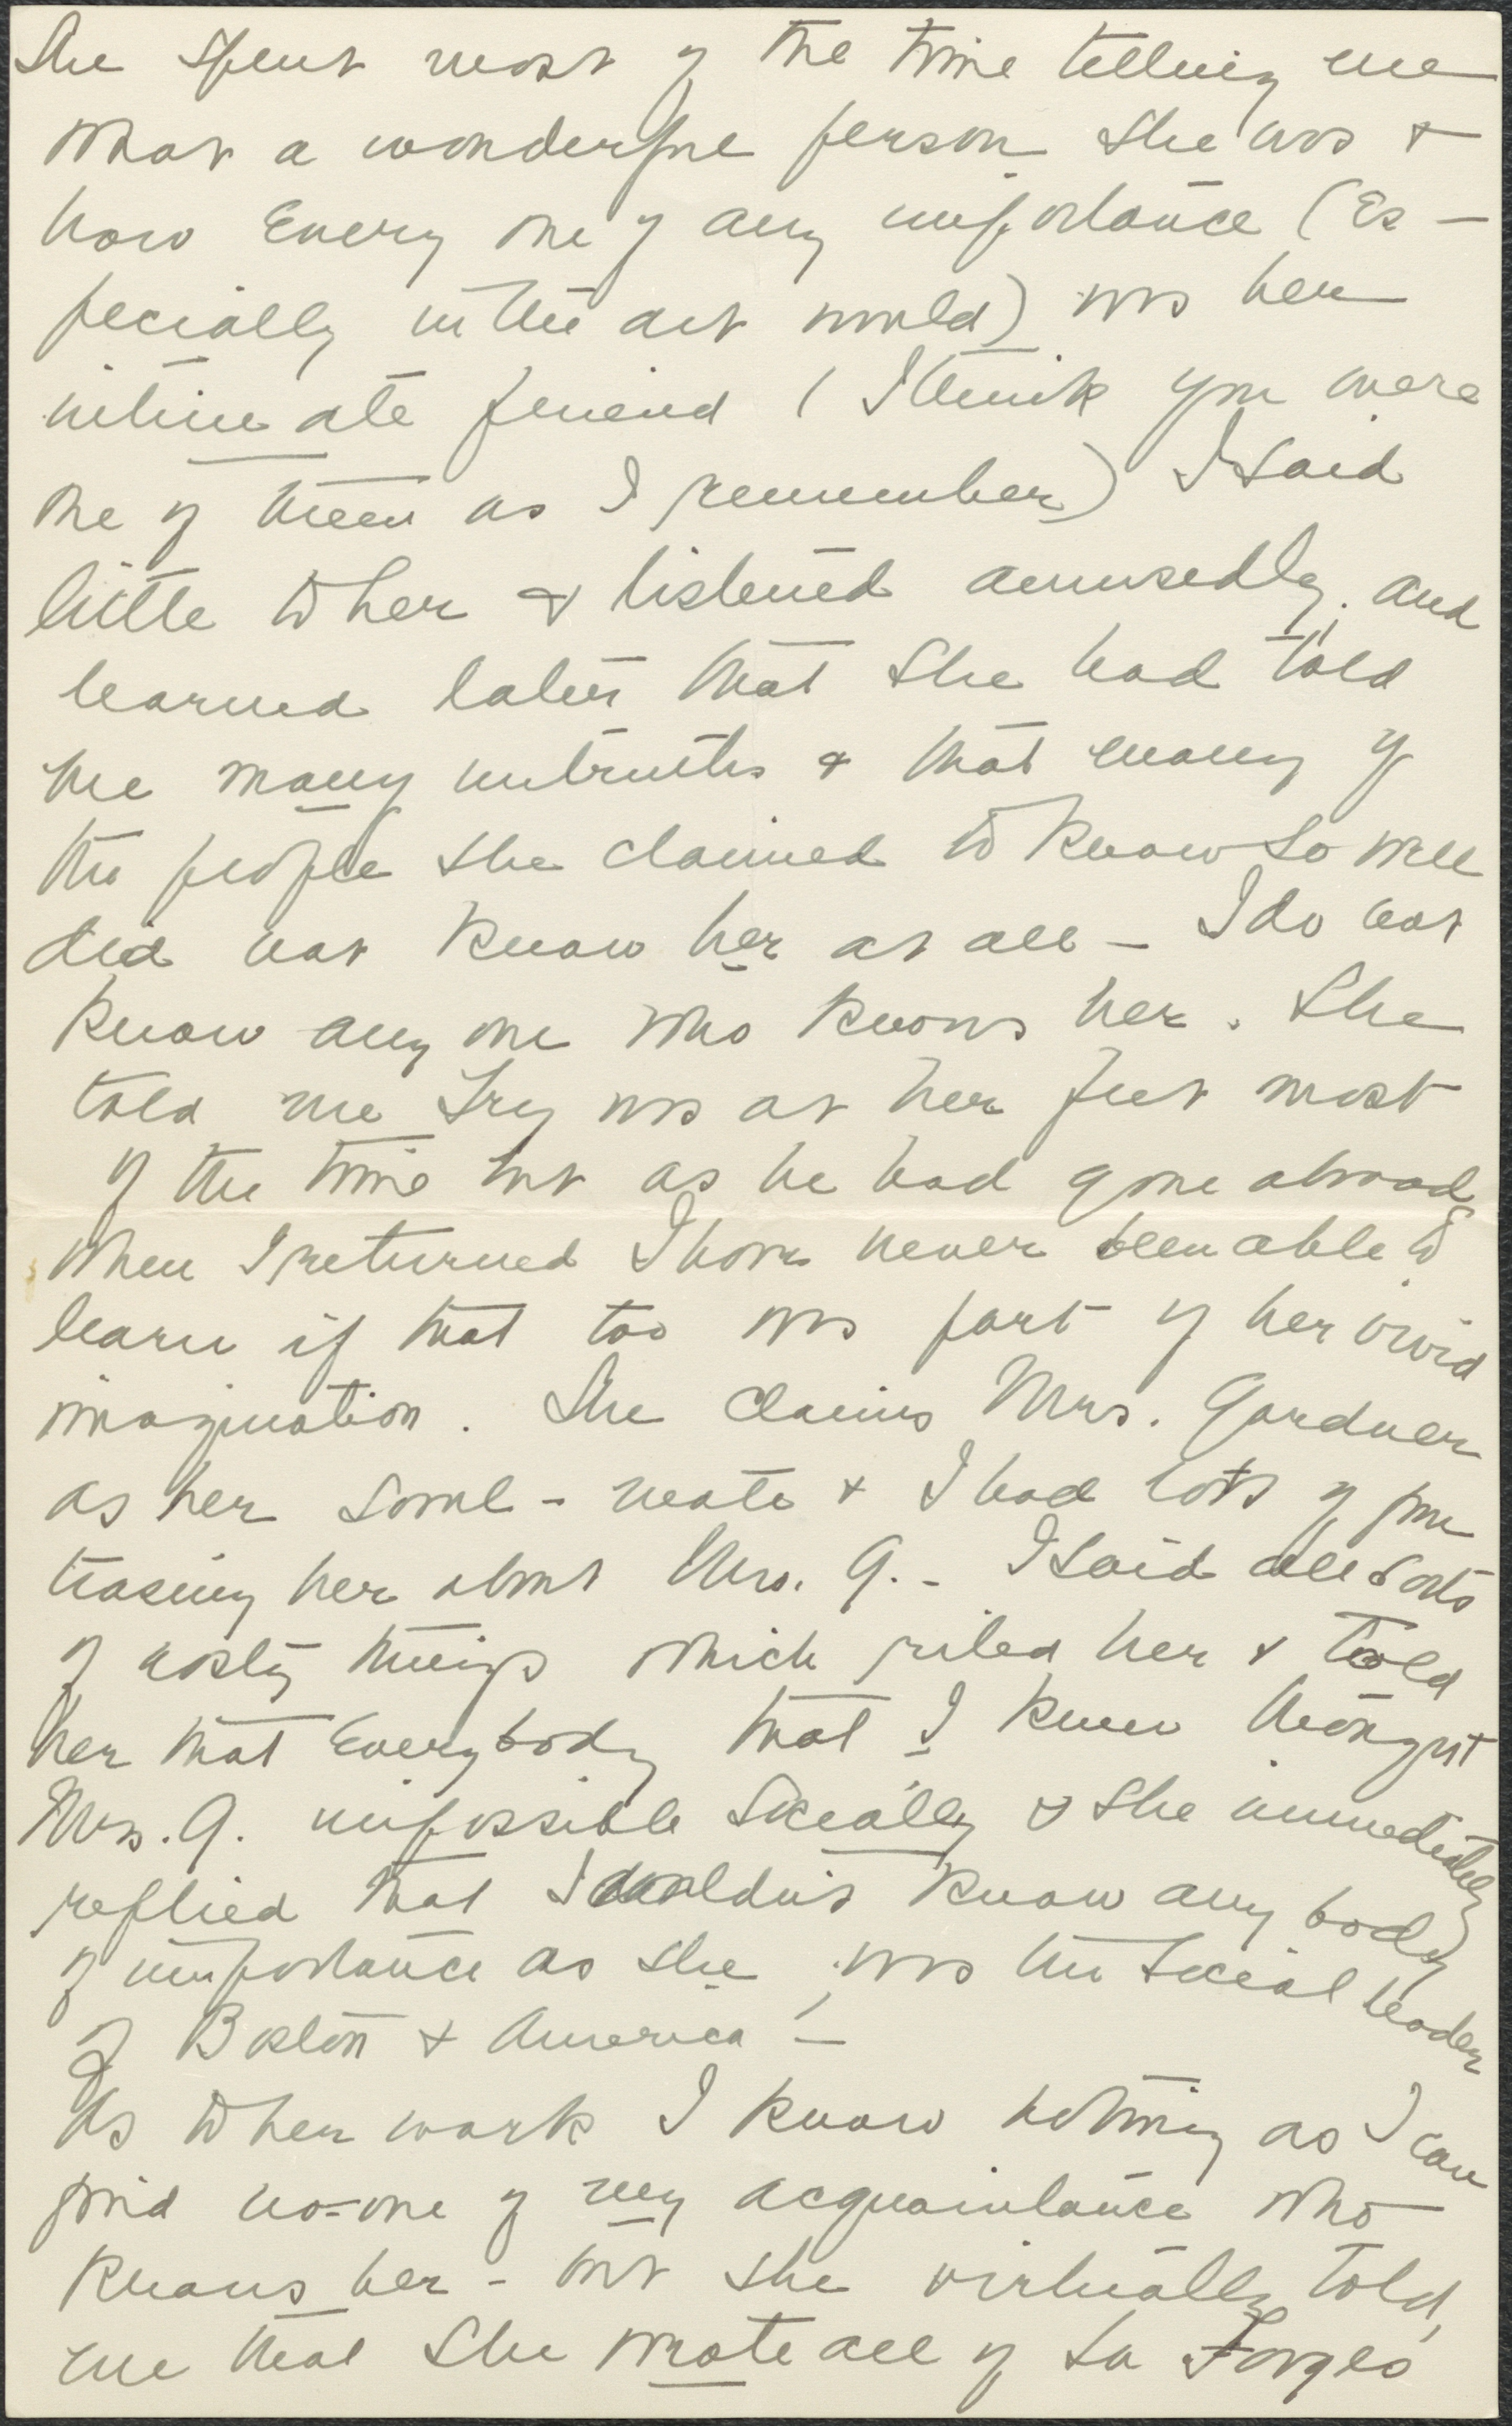She spent most of the time telling me what a wonderful person she was & how every one of any importance (especially in the art world) was her intimate friend (I think you were one of them as I remember) I said little to her & listened amusedly; and learned later that she had told me many untruths & that many of the people she claimed to know so well did not know her at all – I do not know any one who knows her. She told me Fry was at her feet most of the time but as he had gone abroad when I returned I have never been able to learn if that too was part of her vivid imagination. She claims Mrs. Gardner as her soul-mate & I had lots of fun teasing her about Mrs. G. – I said all sorts of nasty things which riled her & told her that everybody that I knew thought Mrs. G. impossible socially & she immediately replied that I dicouldn’t know any body of importance as she was the social leader of Boston & America –
As to her work I know nothing as I can find no-one of my acquaintance who knows her – but she virtually told me that she wrote all of La Farge’s